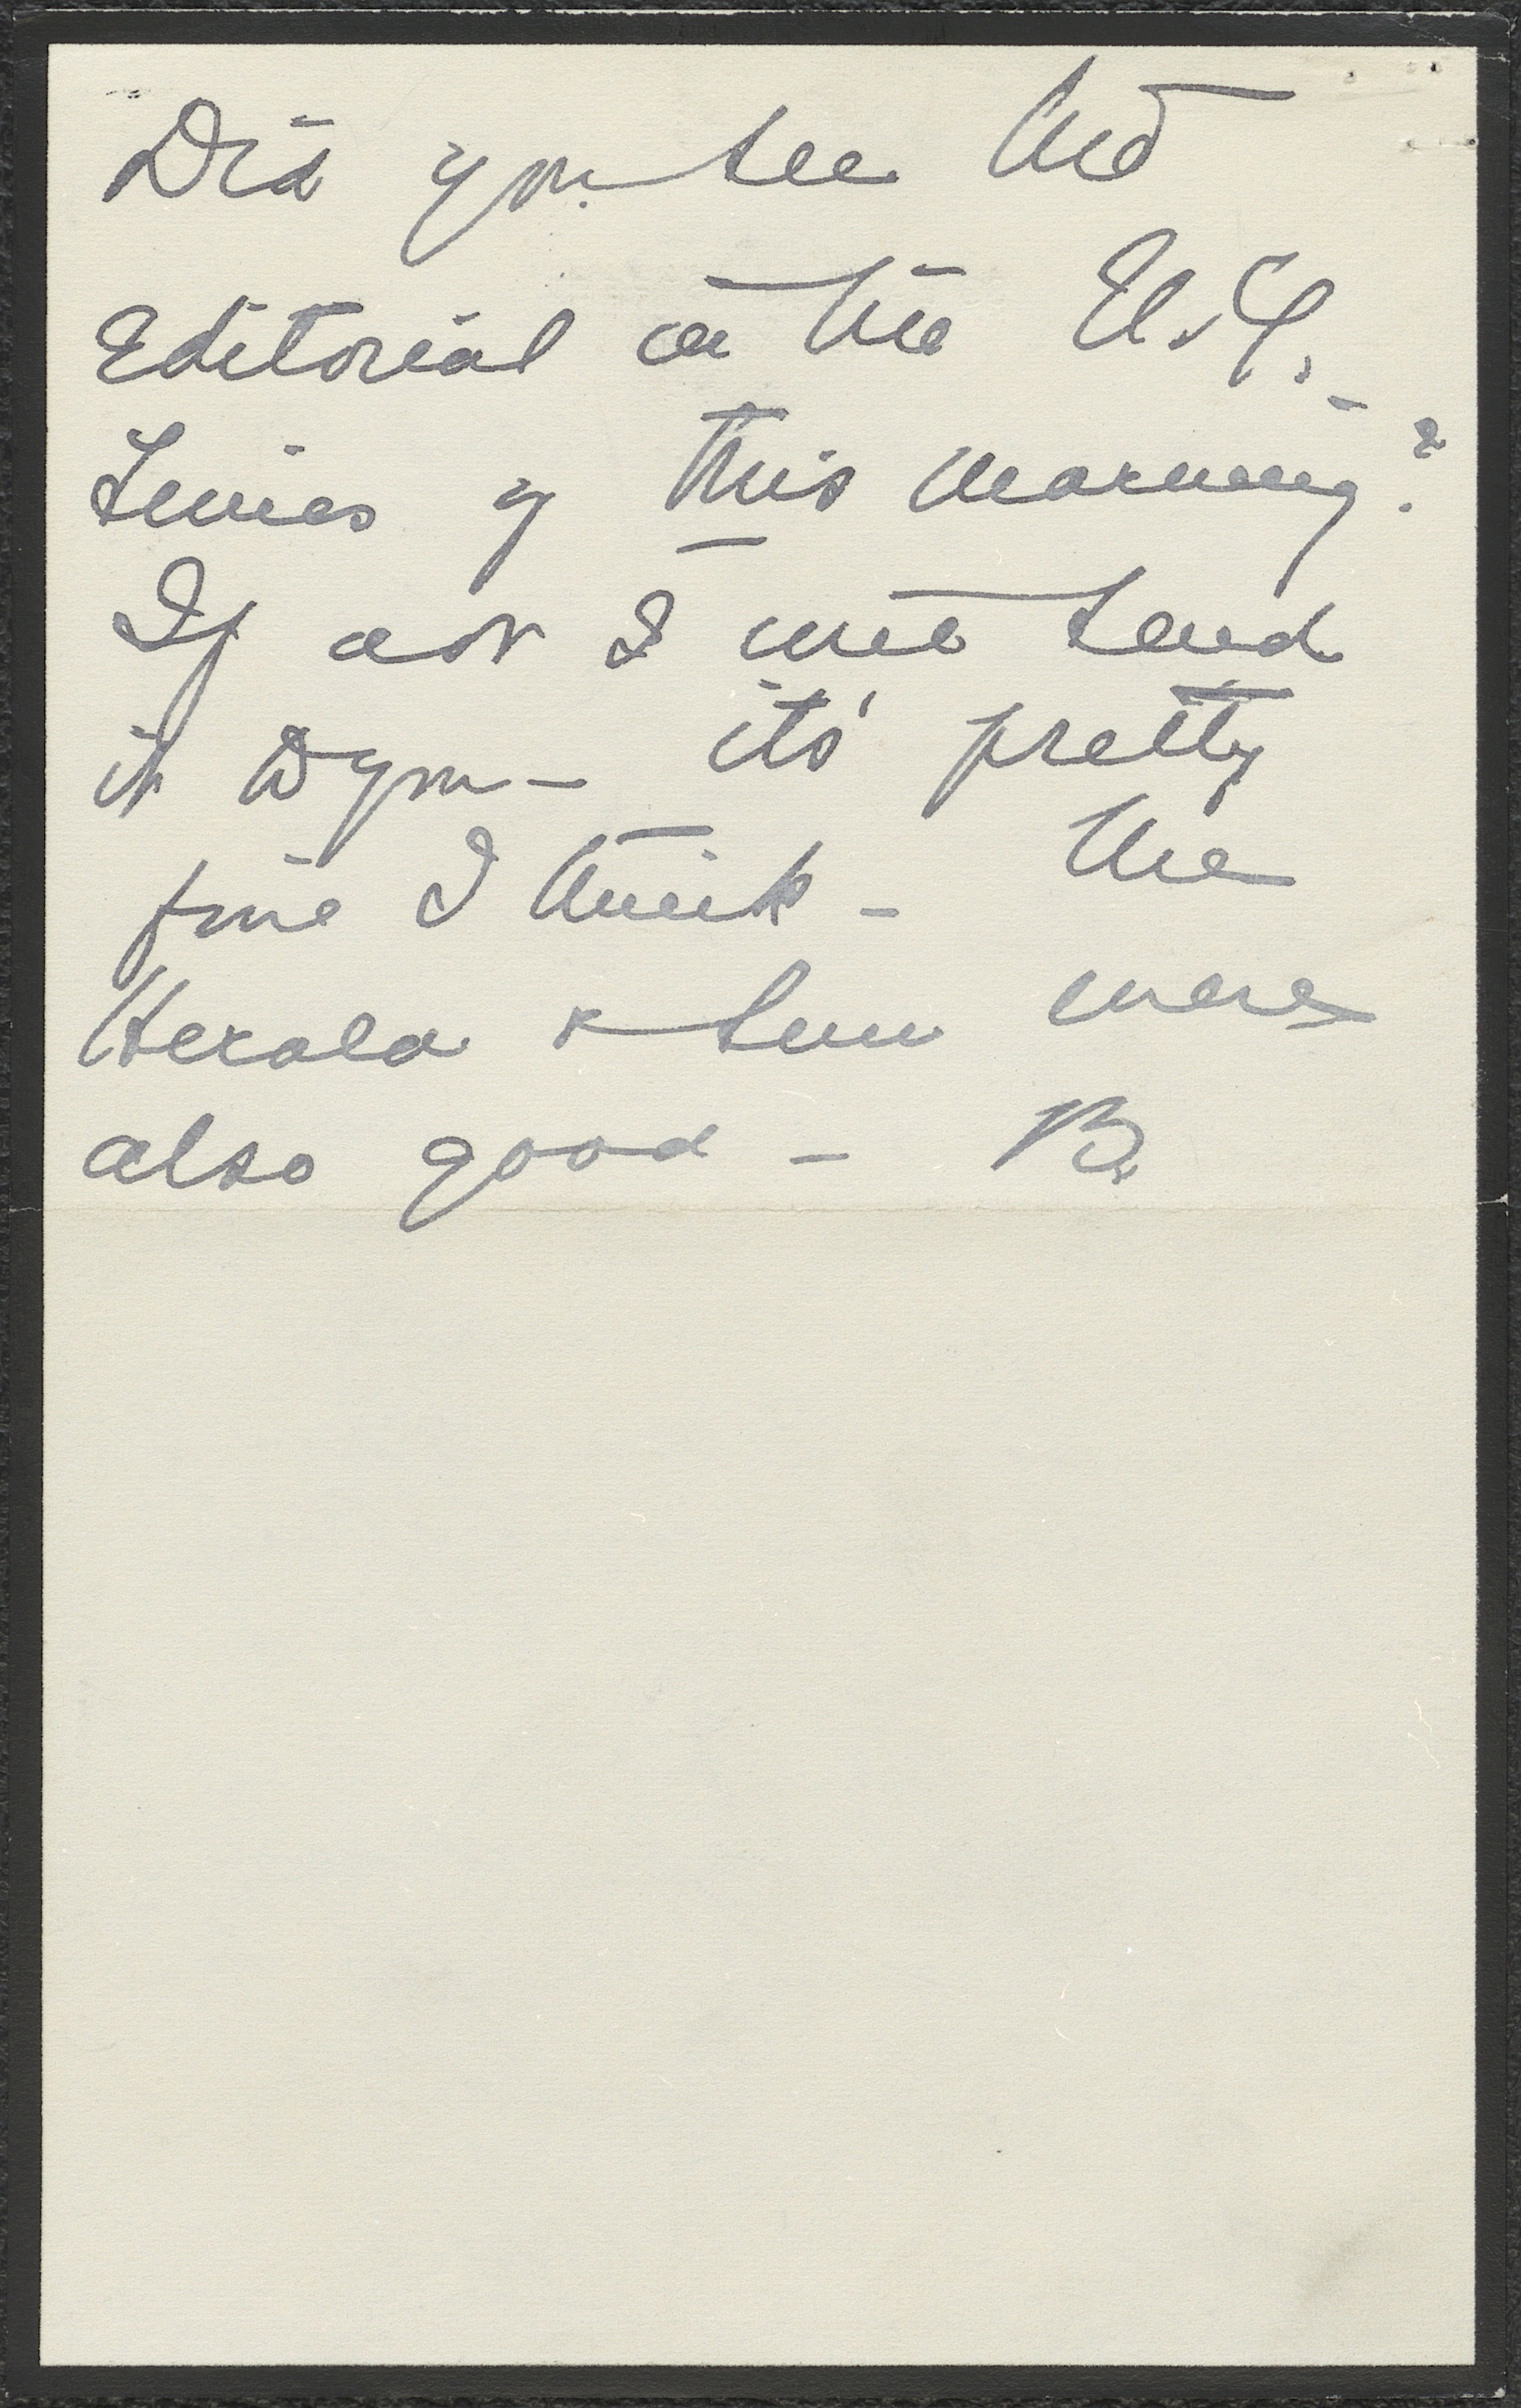Did you see that editorial in the N.Y. Times of this morning? If not I will send it to you – it’s pretty fine I think – The Herald & Sun were also good – B.